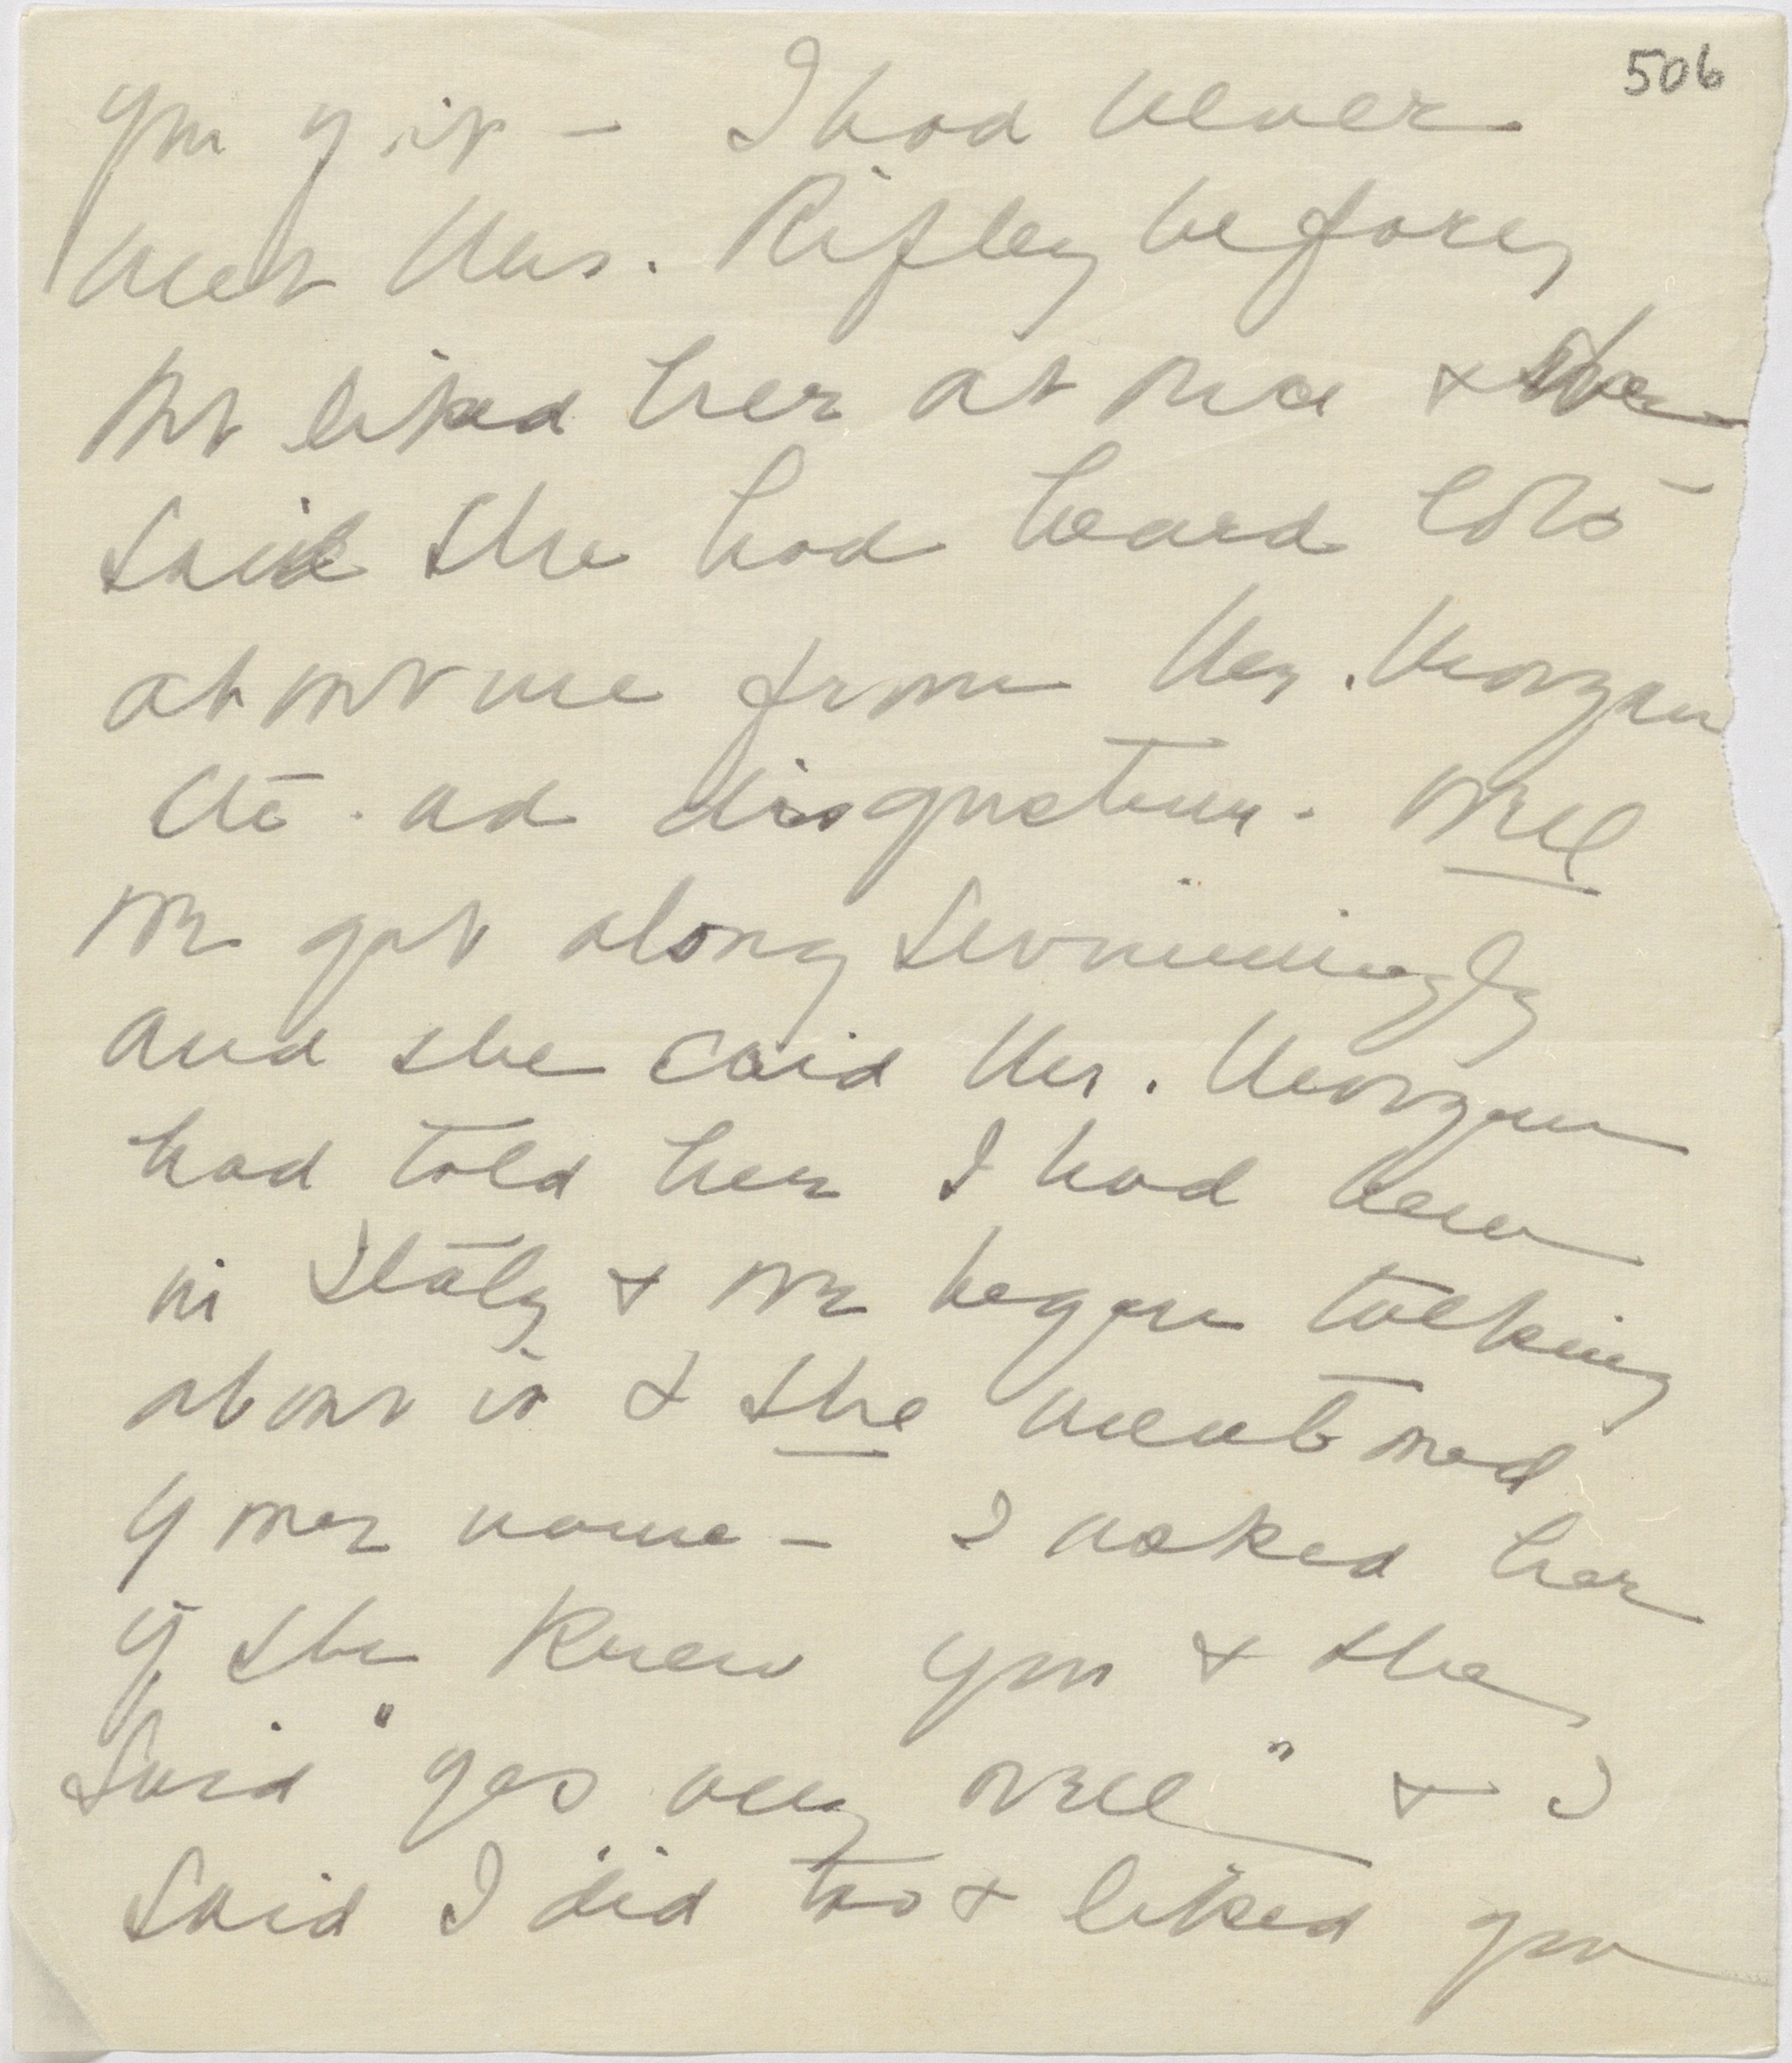you of it – I had never met Mrs. Ripley before, but liked her at once & she said she had heard lots about me from Mr. Morgan etc. ad disgustum – Well we got along swimmingly and she said Mr. Morgan had told her I had been in Italy & we began talking about it & she mentioned your name – I asked her if she knew you & she said “yes very well” & I said I did too & liked you